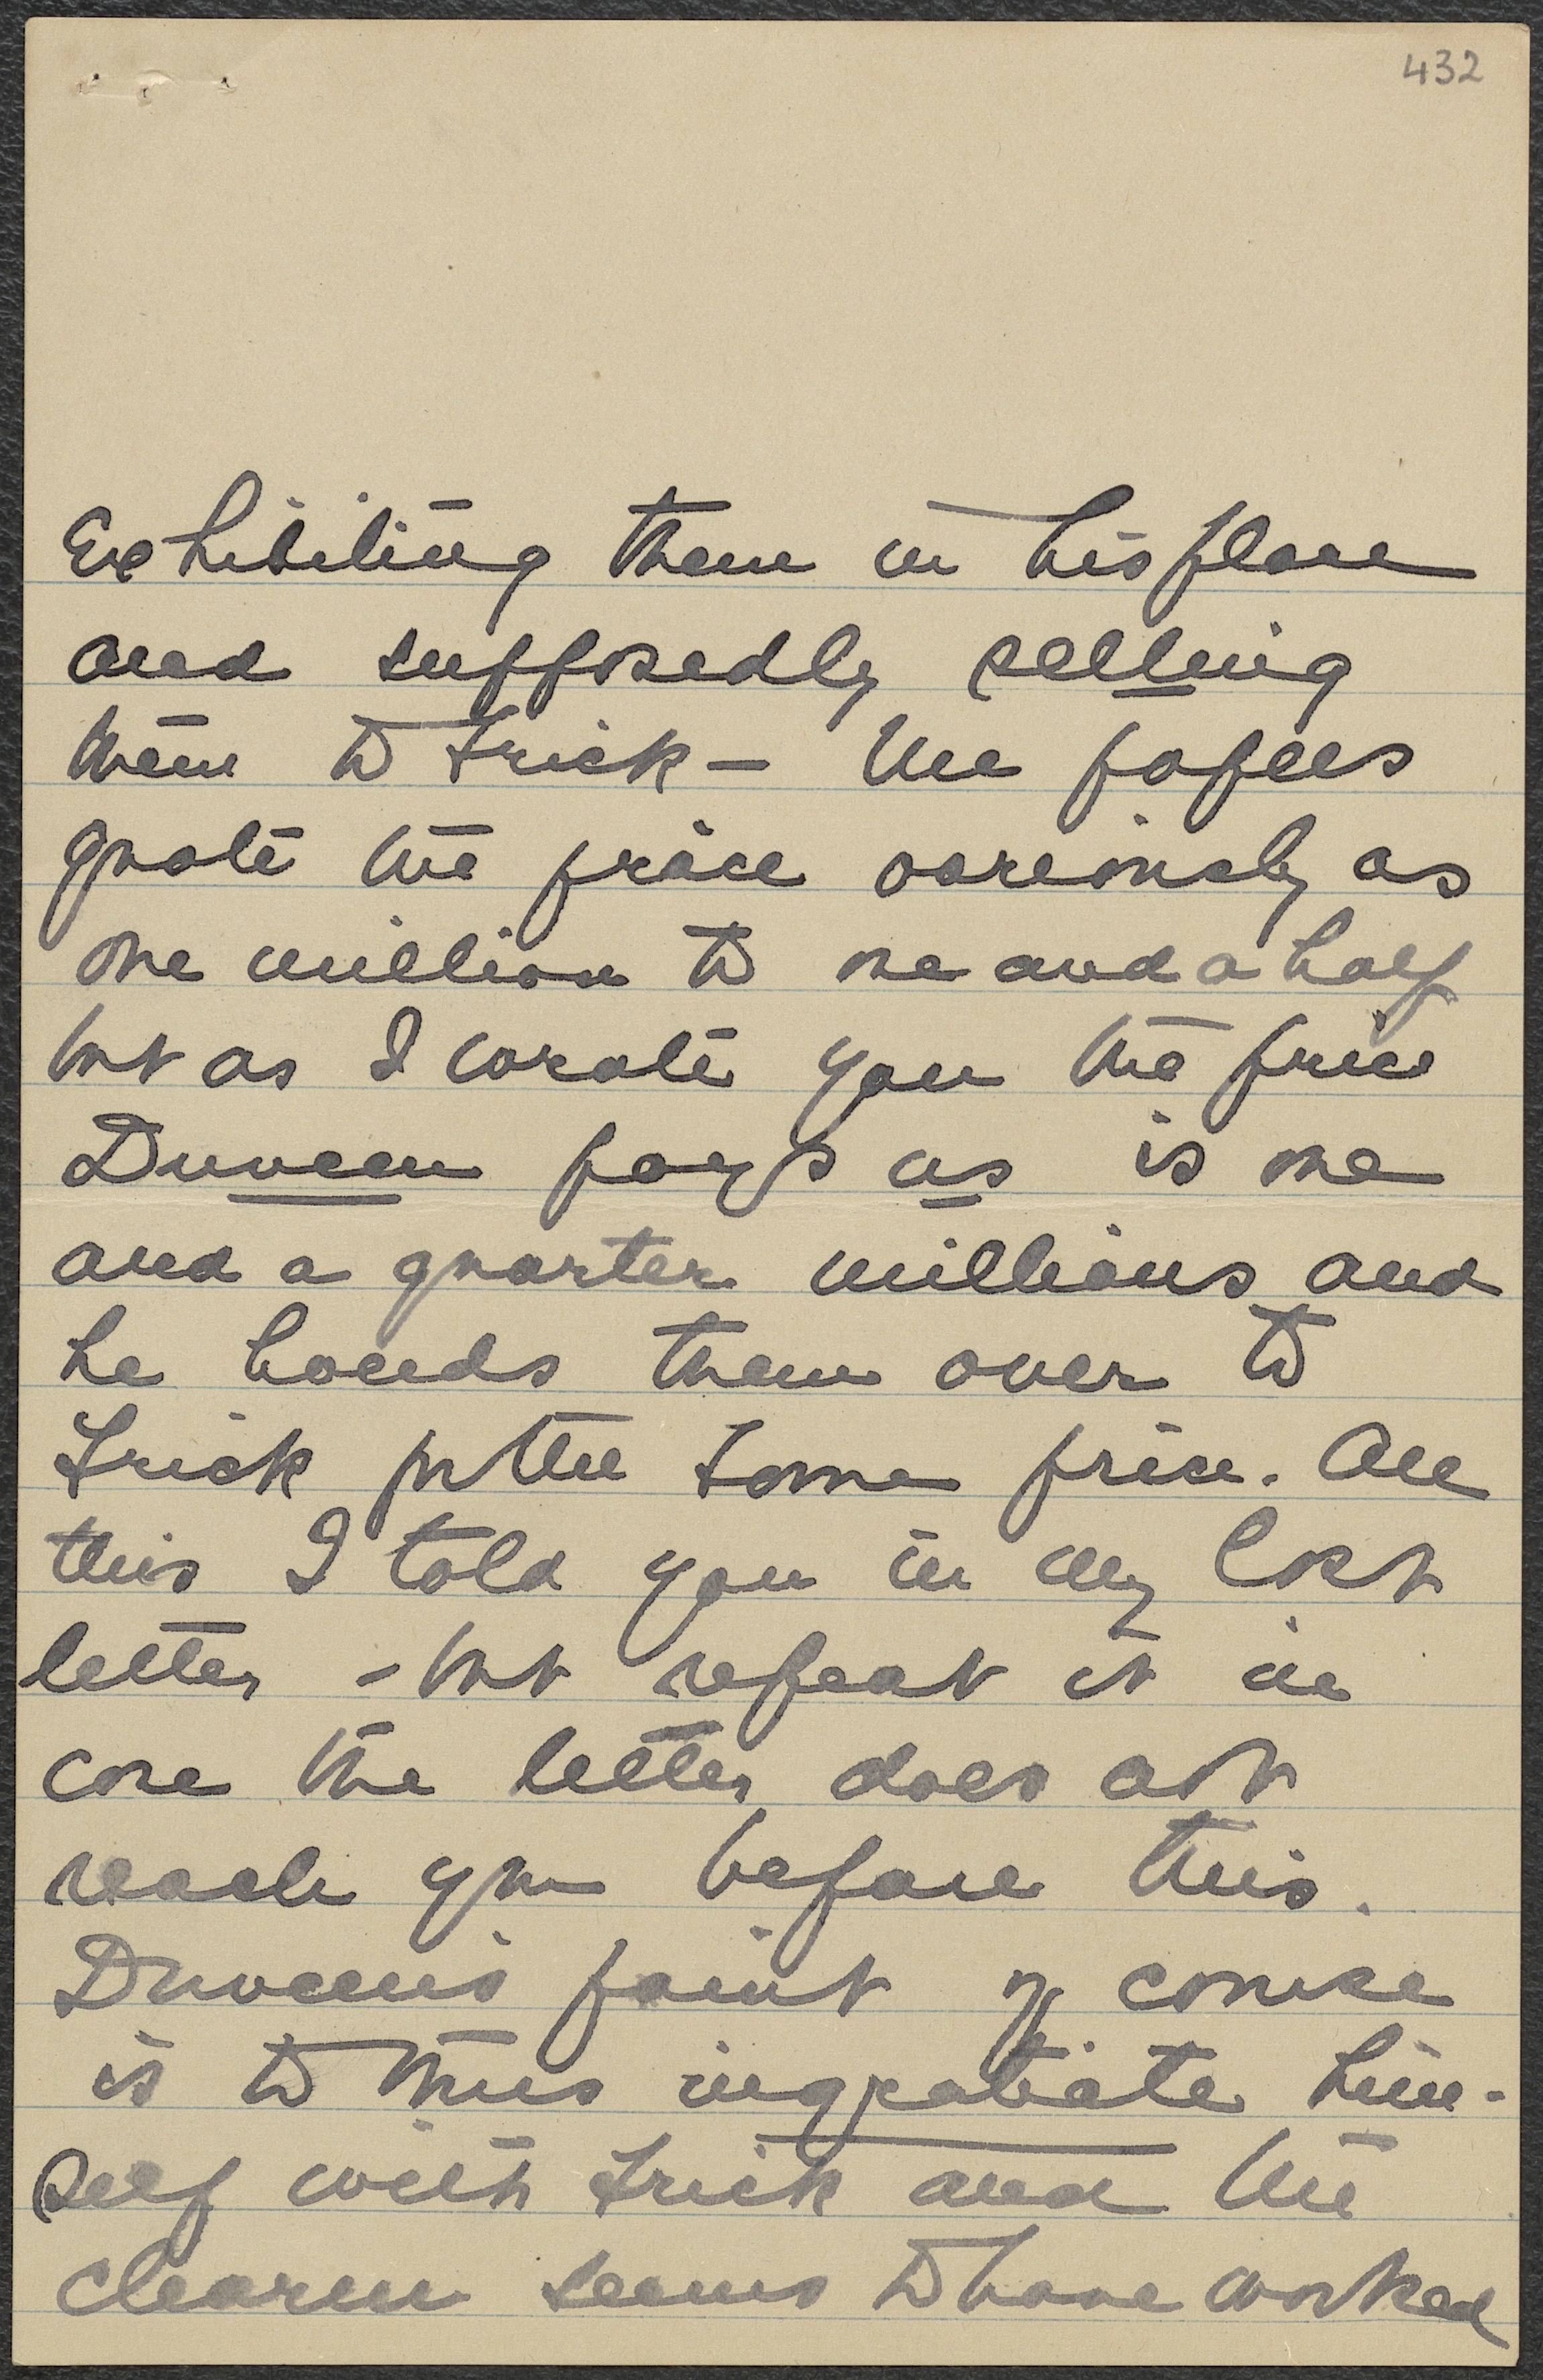exhibiting them in his place and supposedly selling them to Frick – The papers quote the price variously as one million to one and a half but as I wrote you the price Duveen pays us is one and a quarter millions and he hands them over to Frick for the same price. All this I told you in my last letter – but report it in case the letter does not reach you before this. Duveen’s point of course is to thus ingratiate himself with Frick and the charm seems to have worked